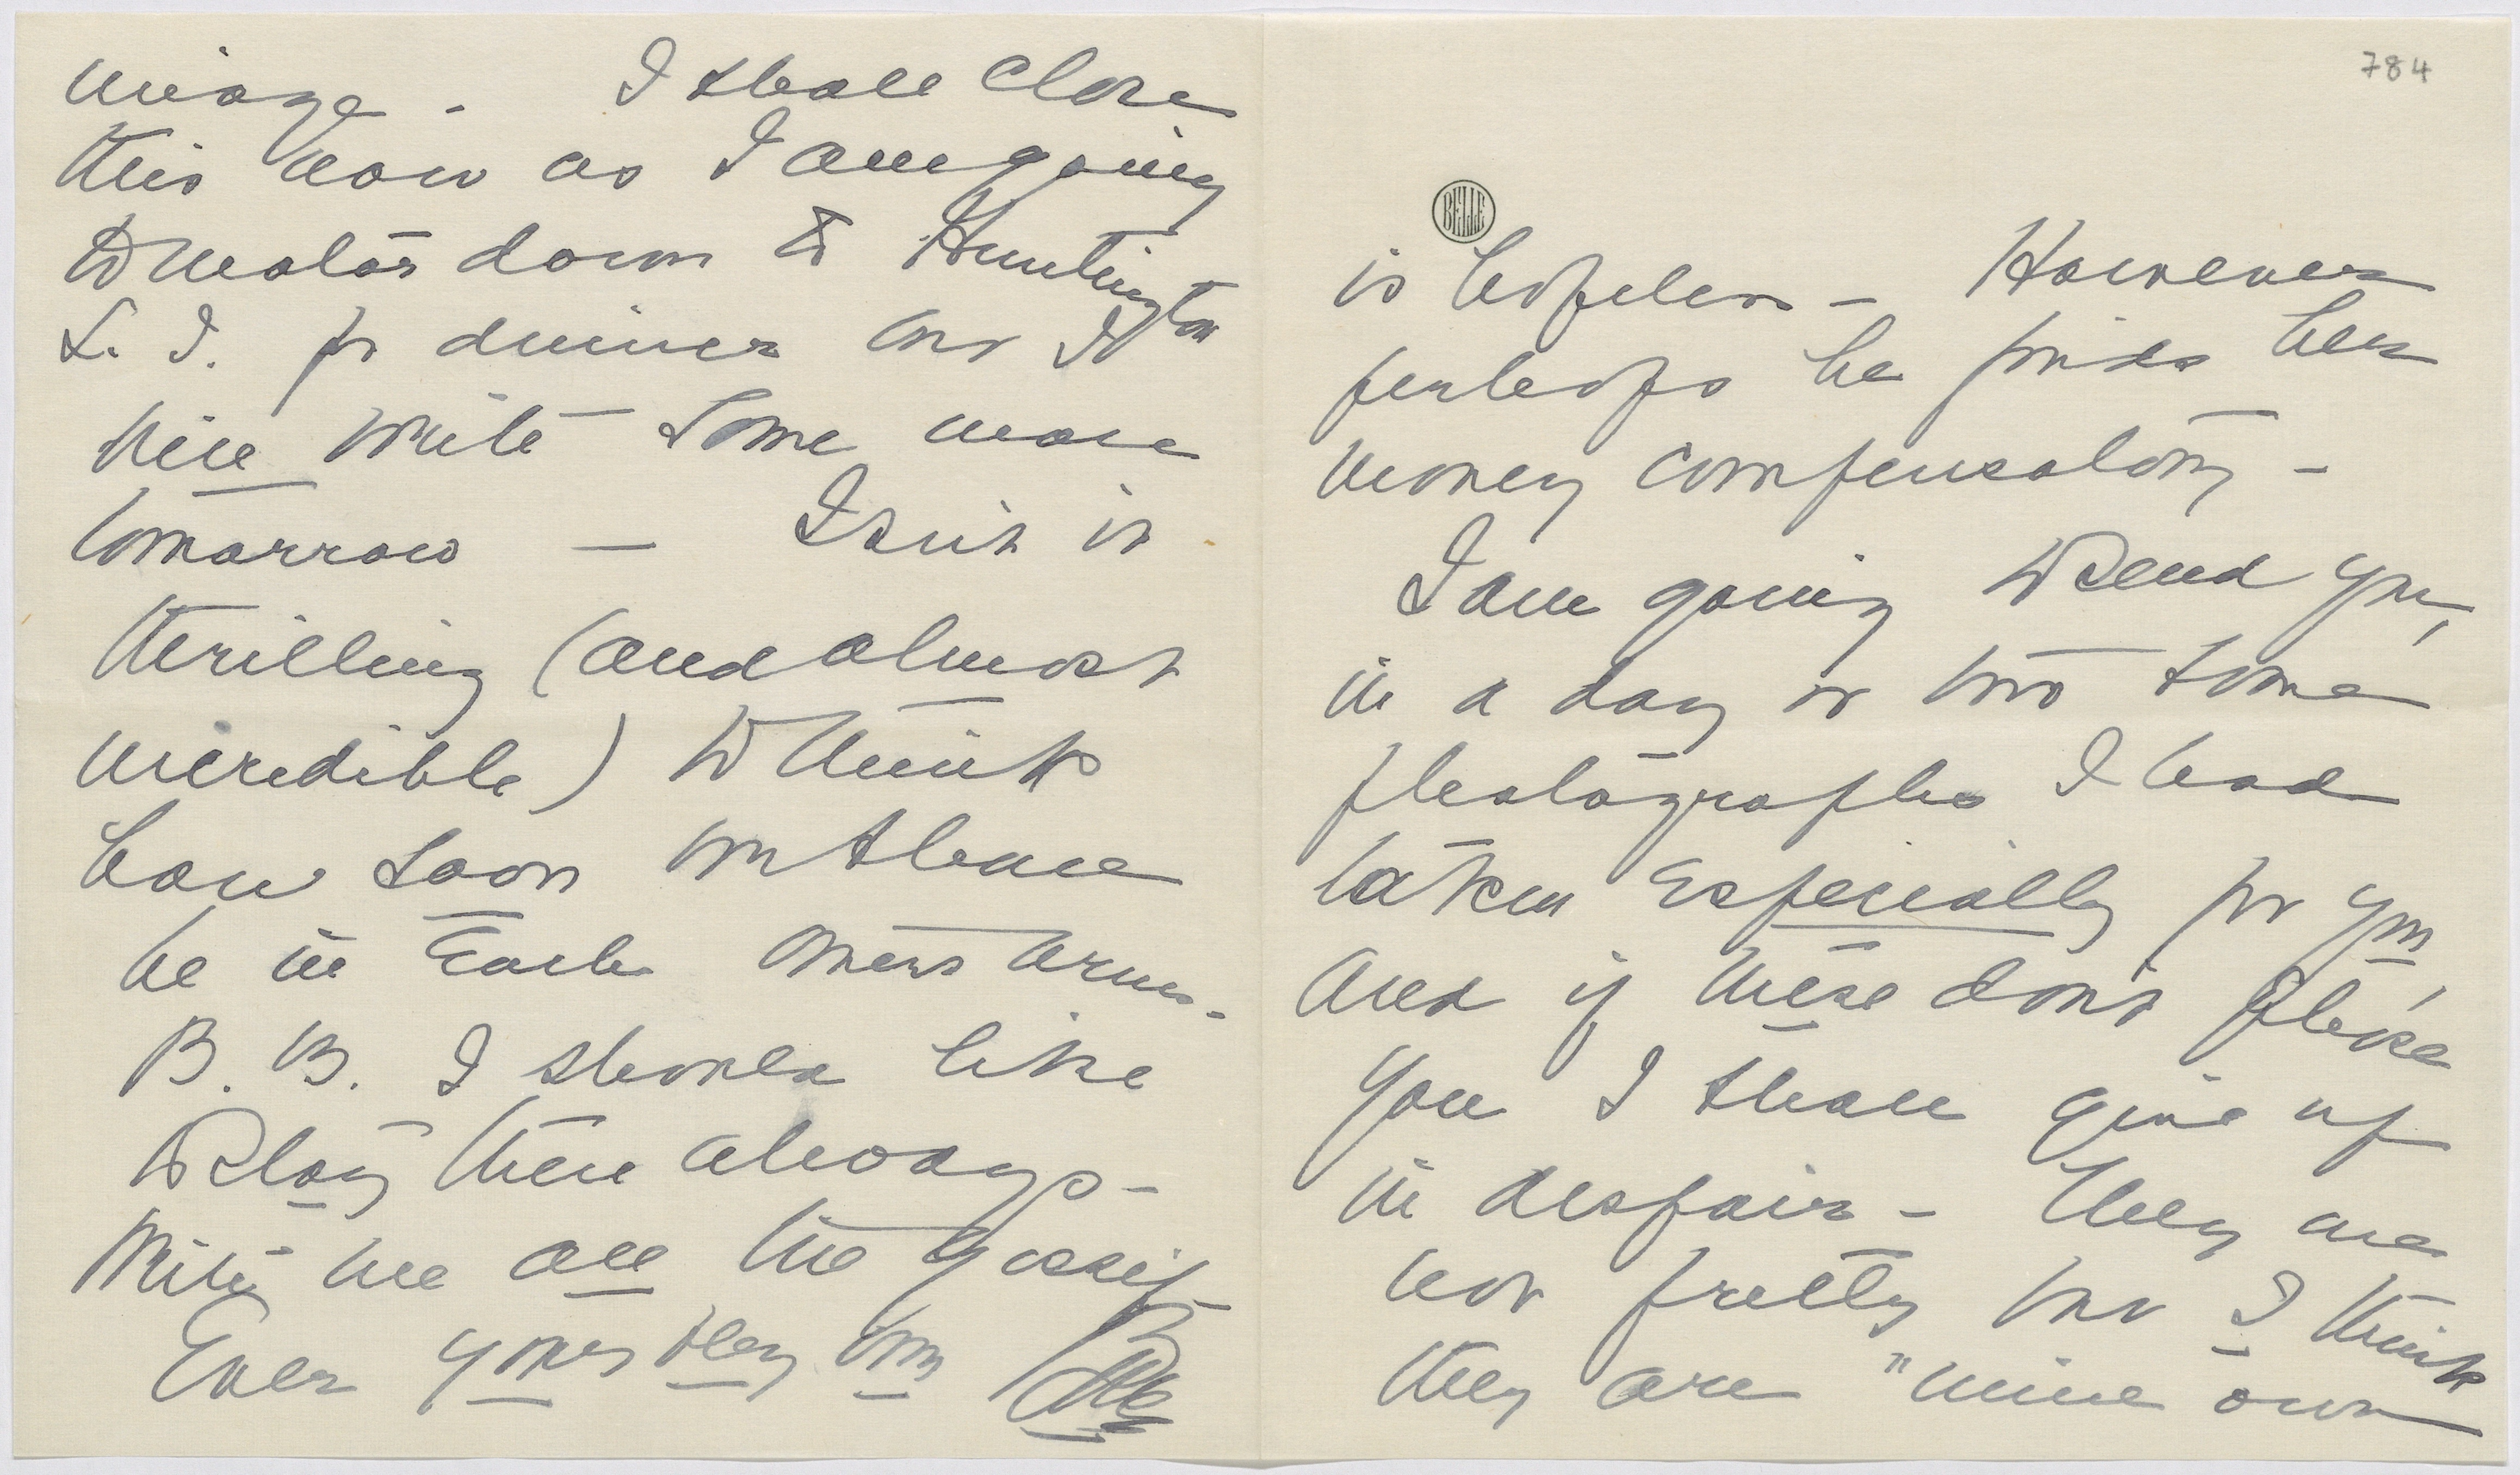is hopeless – However perhaps he finds her money compensatory –
I am going to send you, in a day or two some photographs I had taken especially for you, and if these don’t please you I shall give up in despair – They are not pretty but I think they are “mine own
image – I shall close this now as I am going to motor down to Huntington L.I. for dinner but I will write some more tomorrow – Isn’t it thrilling (and almost incredible) to think how soon we shall be in each others [sic] arms – B. B. I should like to stay there always – Write me all the gossip –
Ever your very own Belle